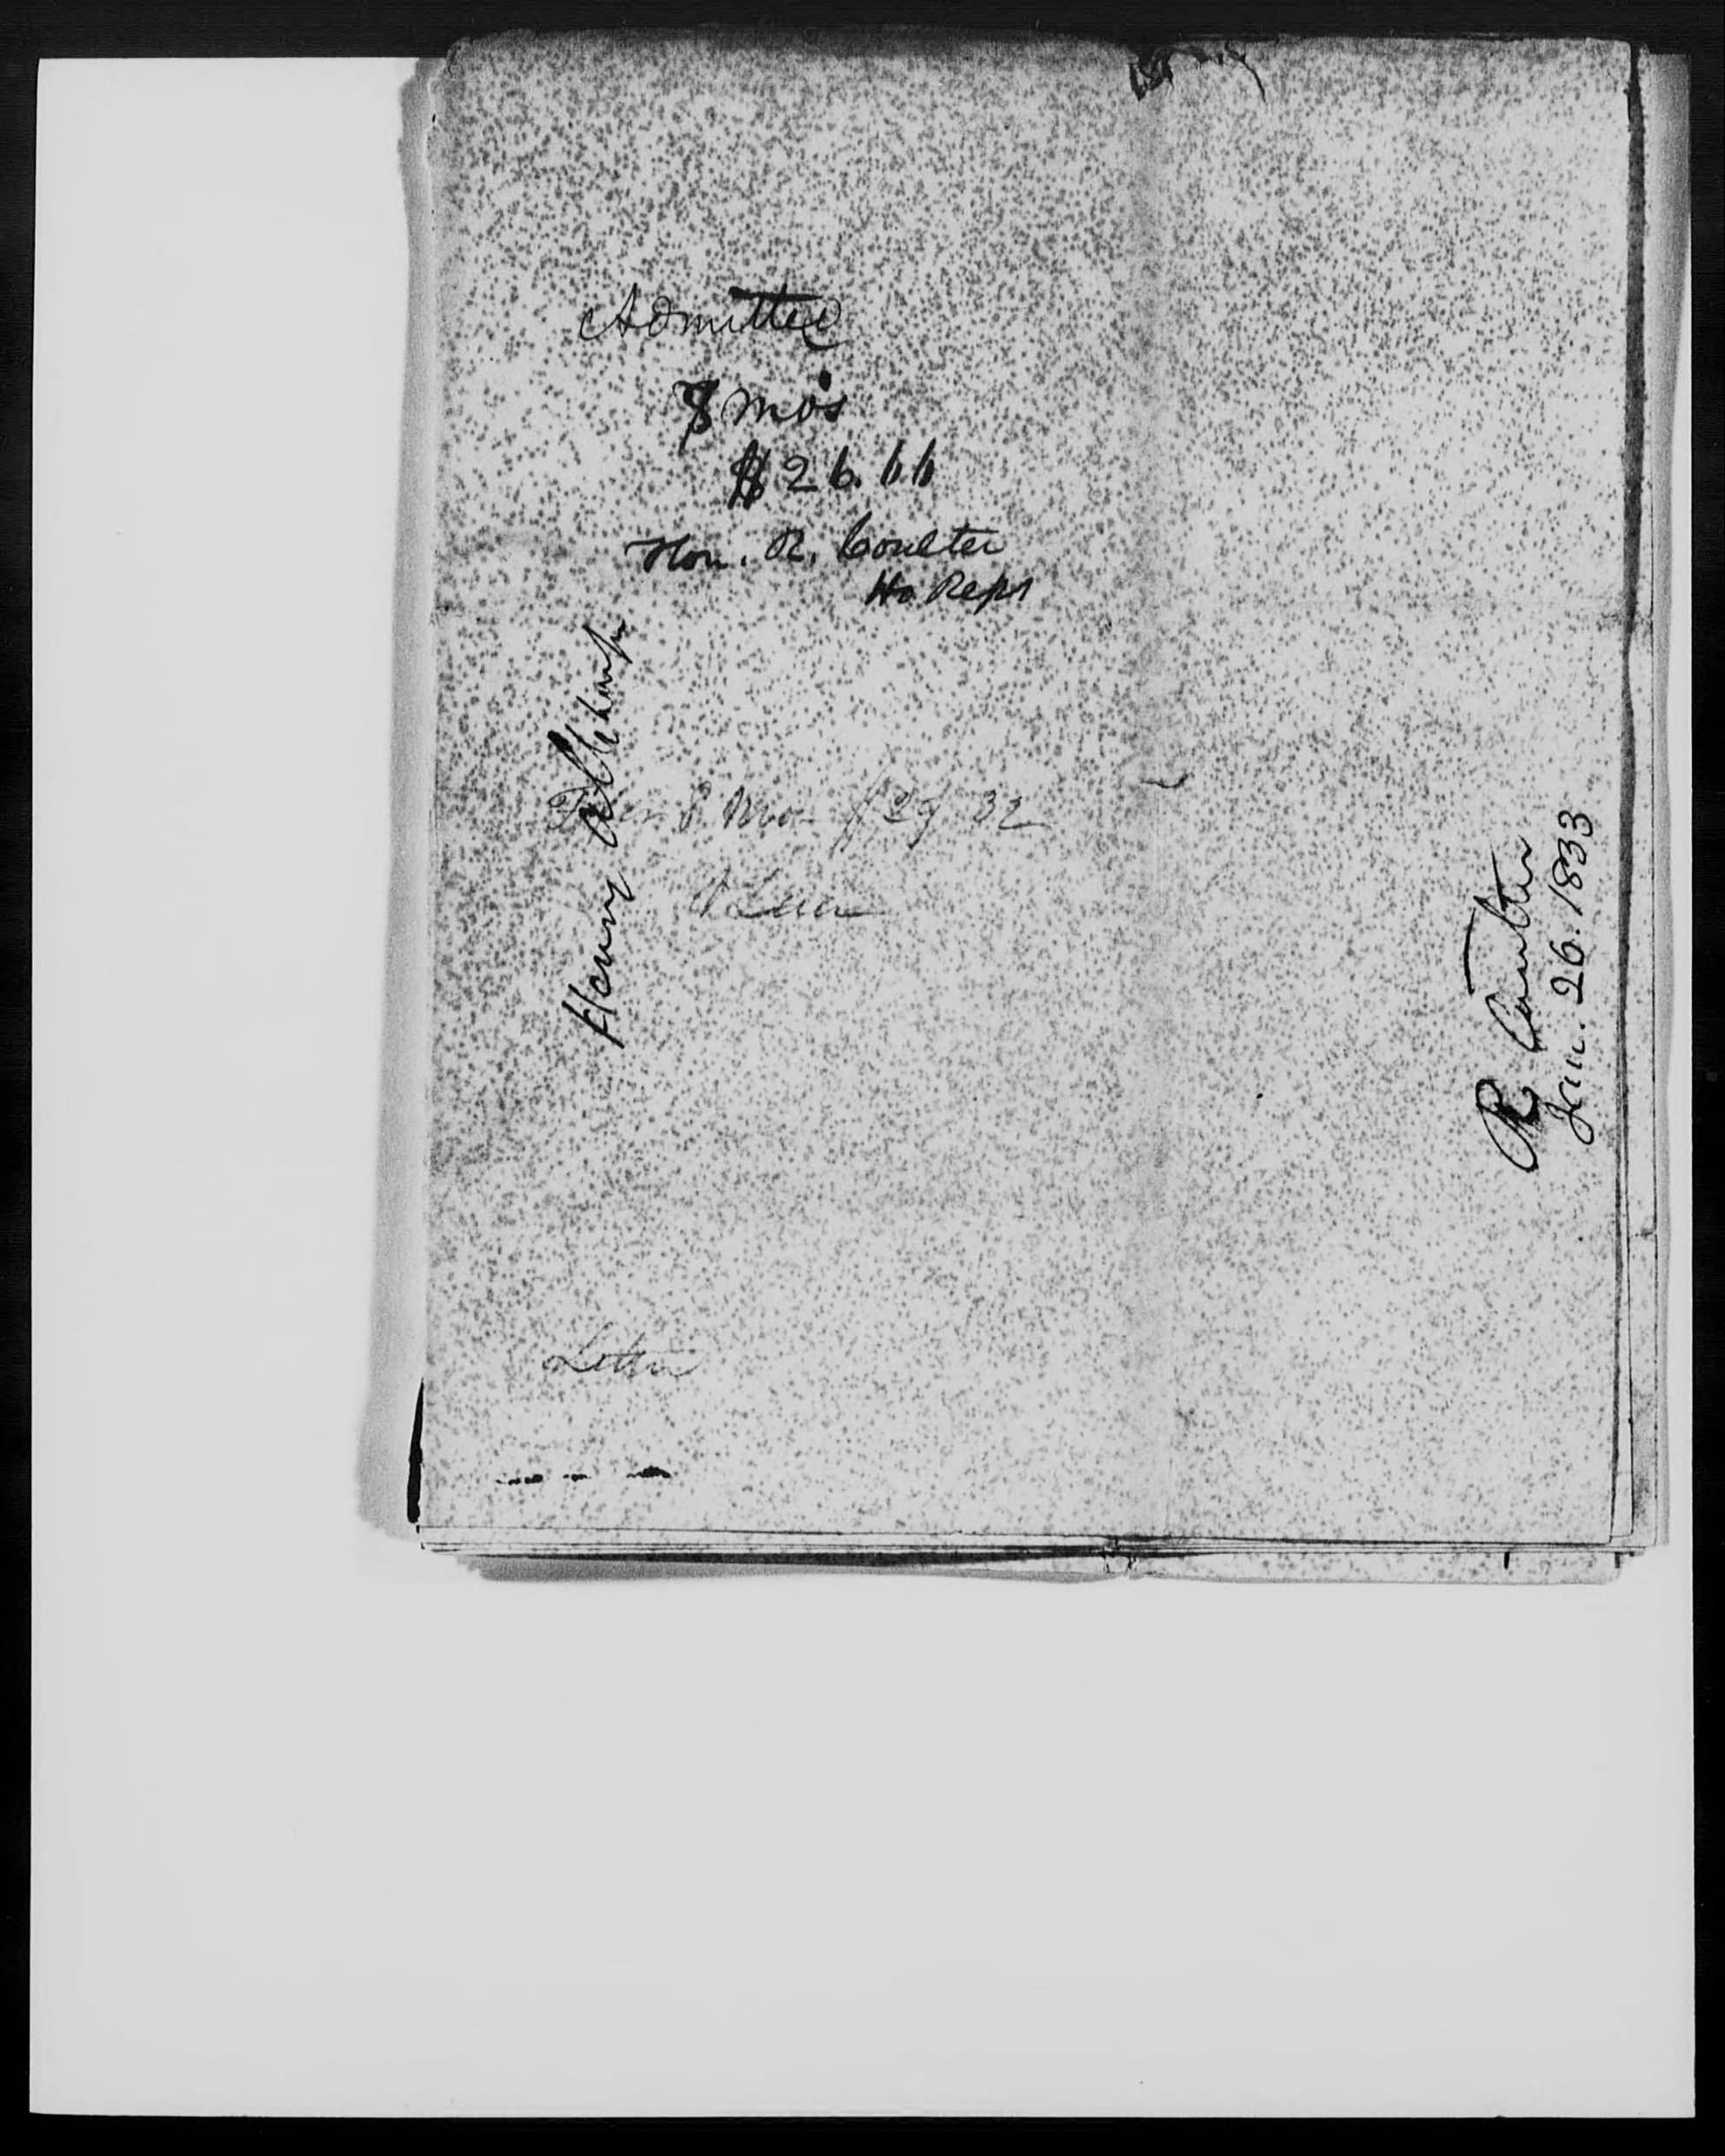Admitted
8 Mo's

$26.66
Hon. R. Couter
H. Reps.

Henty Allshouse

8 Mo. $29.32
[Illegible]

R. Coulter
Jan 26 1833

[Illegible]




$20
Conti
son
26.1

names: R Coulter, Henry Allshouse, R Coulter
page: 3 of 24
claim: survivor's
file: S. 2032, Henry Allshouse, Penn.